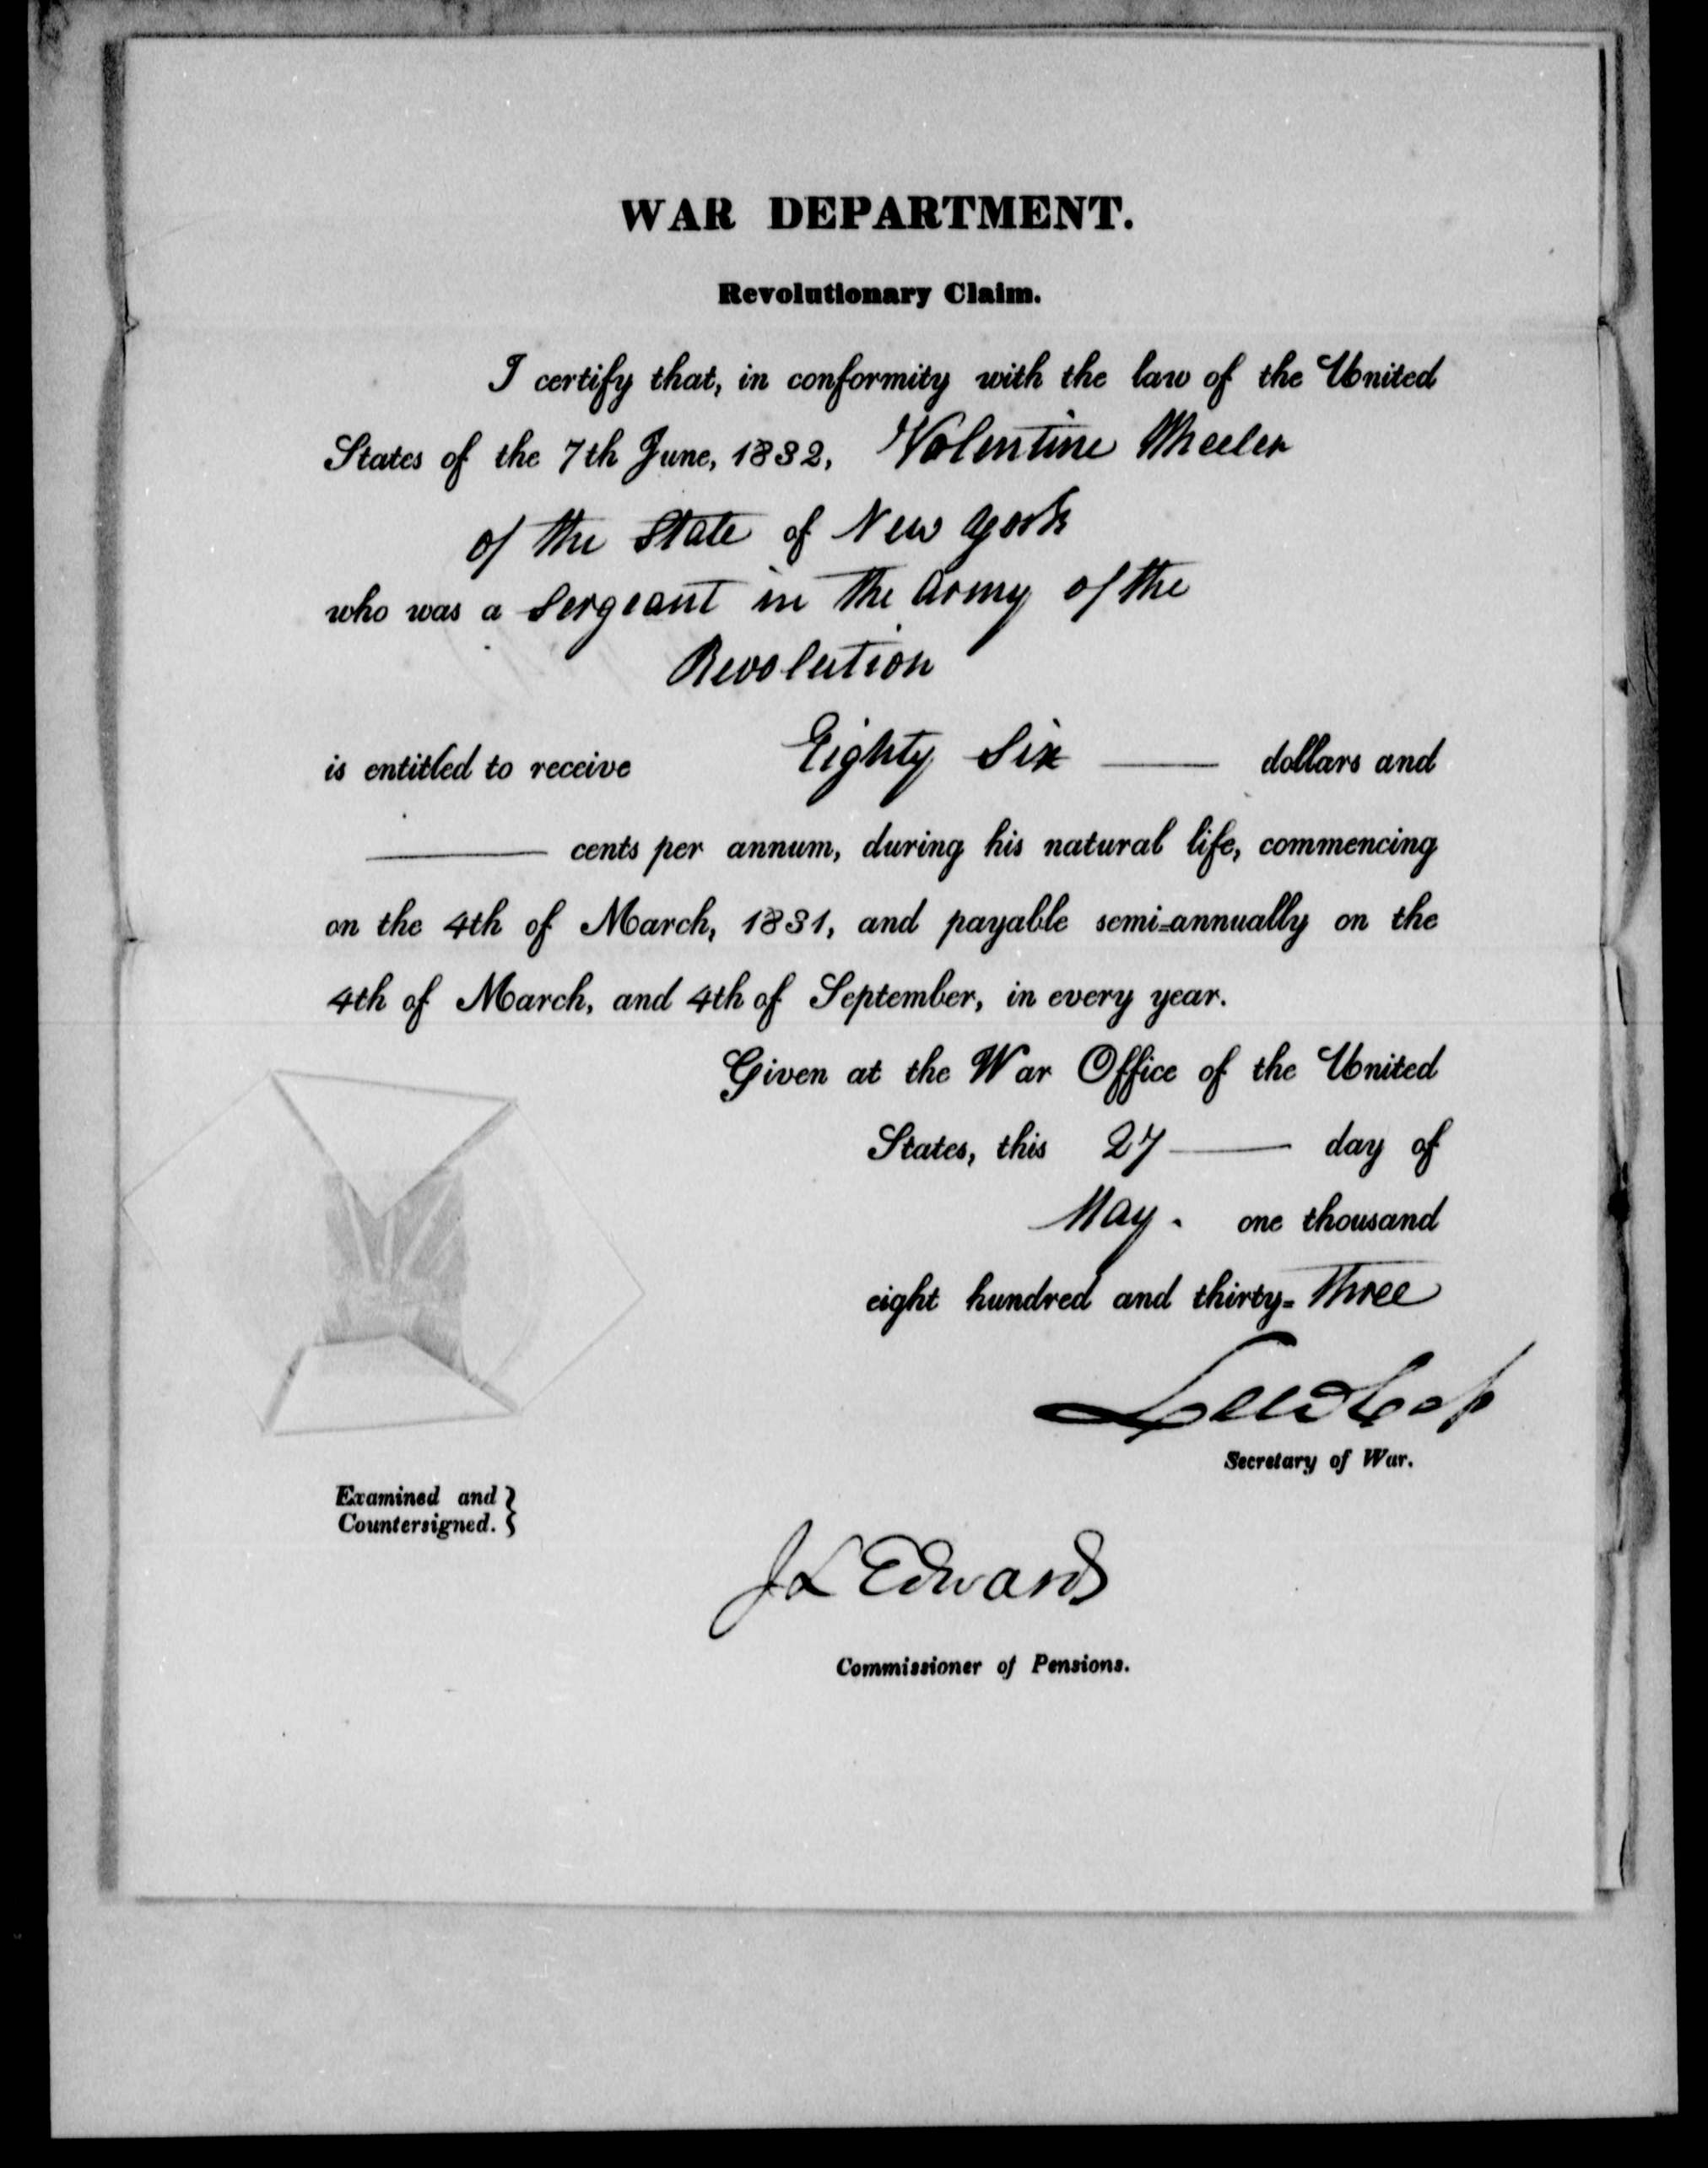WAR DEPARTMENT
Revolutionary Claim

I certify that , in conformity with the law of the United States of the 7th June, 1832, Volentine Wheeler of the State of New York who was a Sergeant in the Army of the Revolution is entitled to receive Eighty six dollars and ---cents per annum, during his natural life, commencing on the 4th March, 1831, and payable semi-annually on the 4th of March, and 4th of September, in every year.
Given at the War Office of the United States, this 27 day of May, one thousand eight hundred and thirty-three.
(seal)
Lew. Cass
Secretary  of War

Examined and Countersigned
J. L. Edwards
Commissioner of Pensions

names: Volentine Wheeler, Lew Cass, J L Edwards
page: 75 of 98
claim: widow's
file: W. 1682, Valentine Wheeler, Mass.